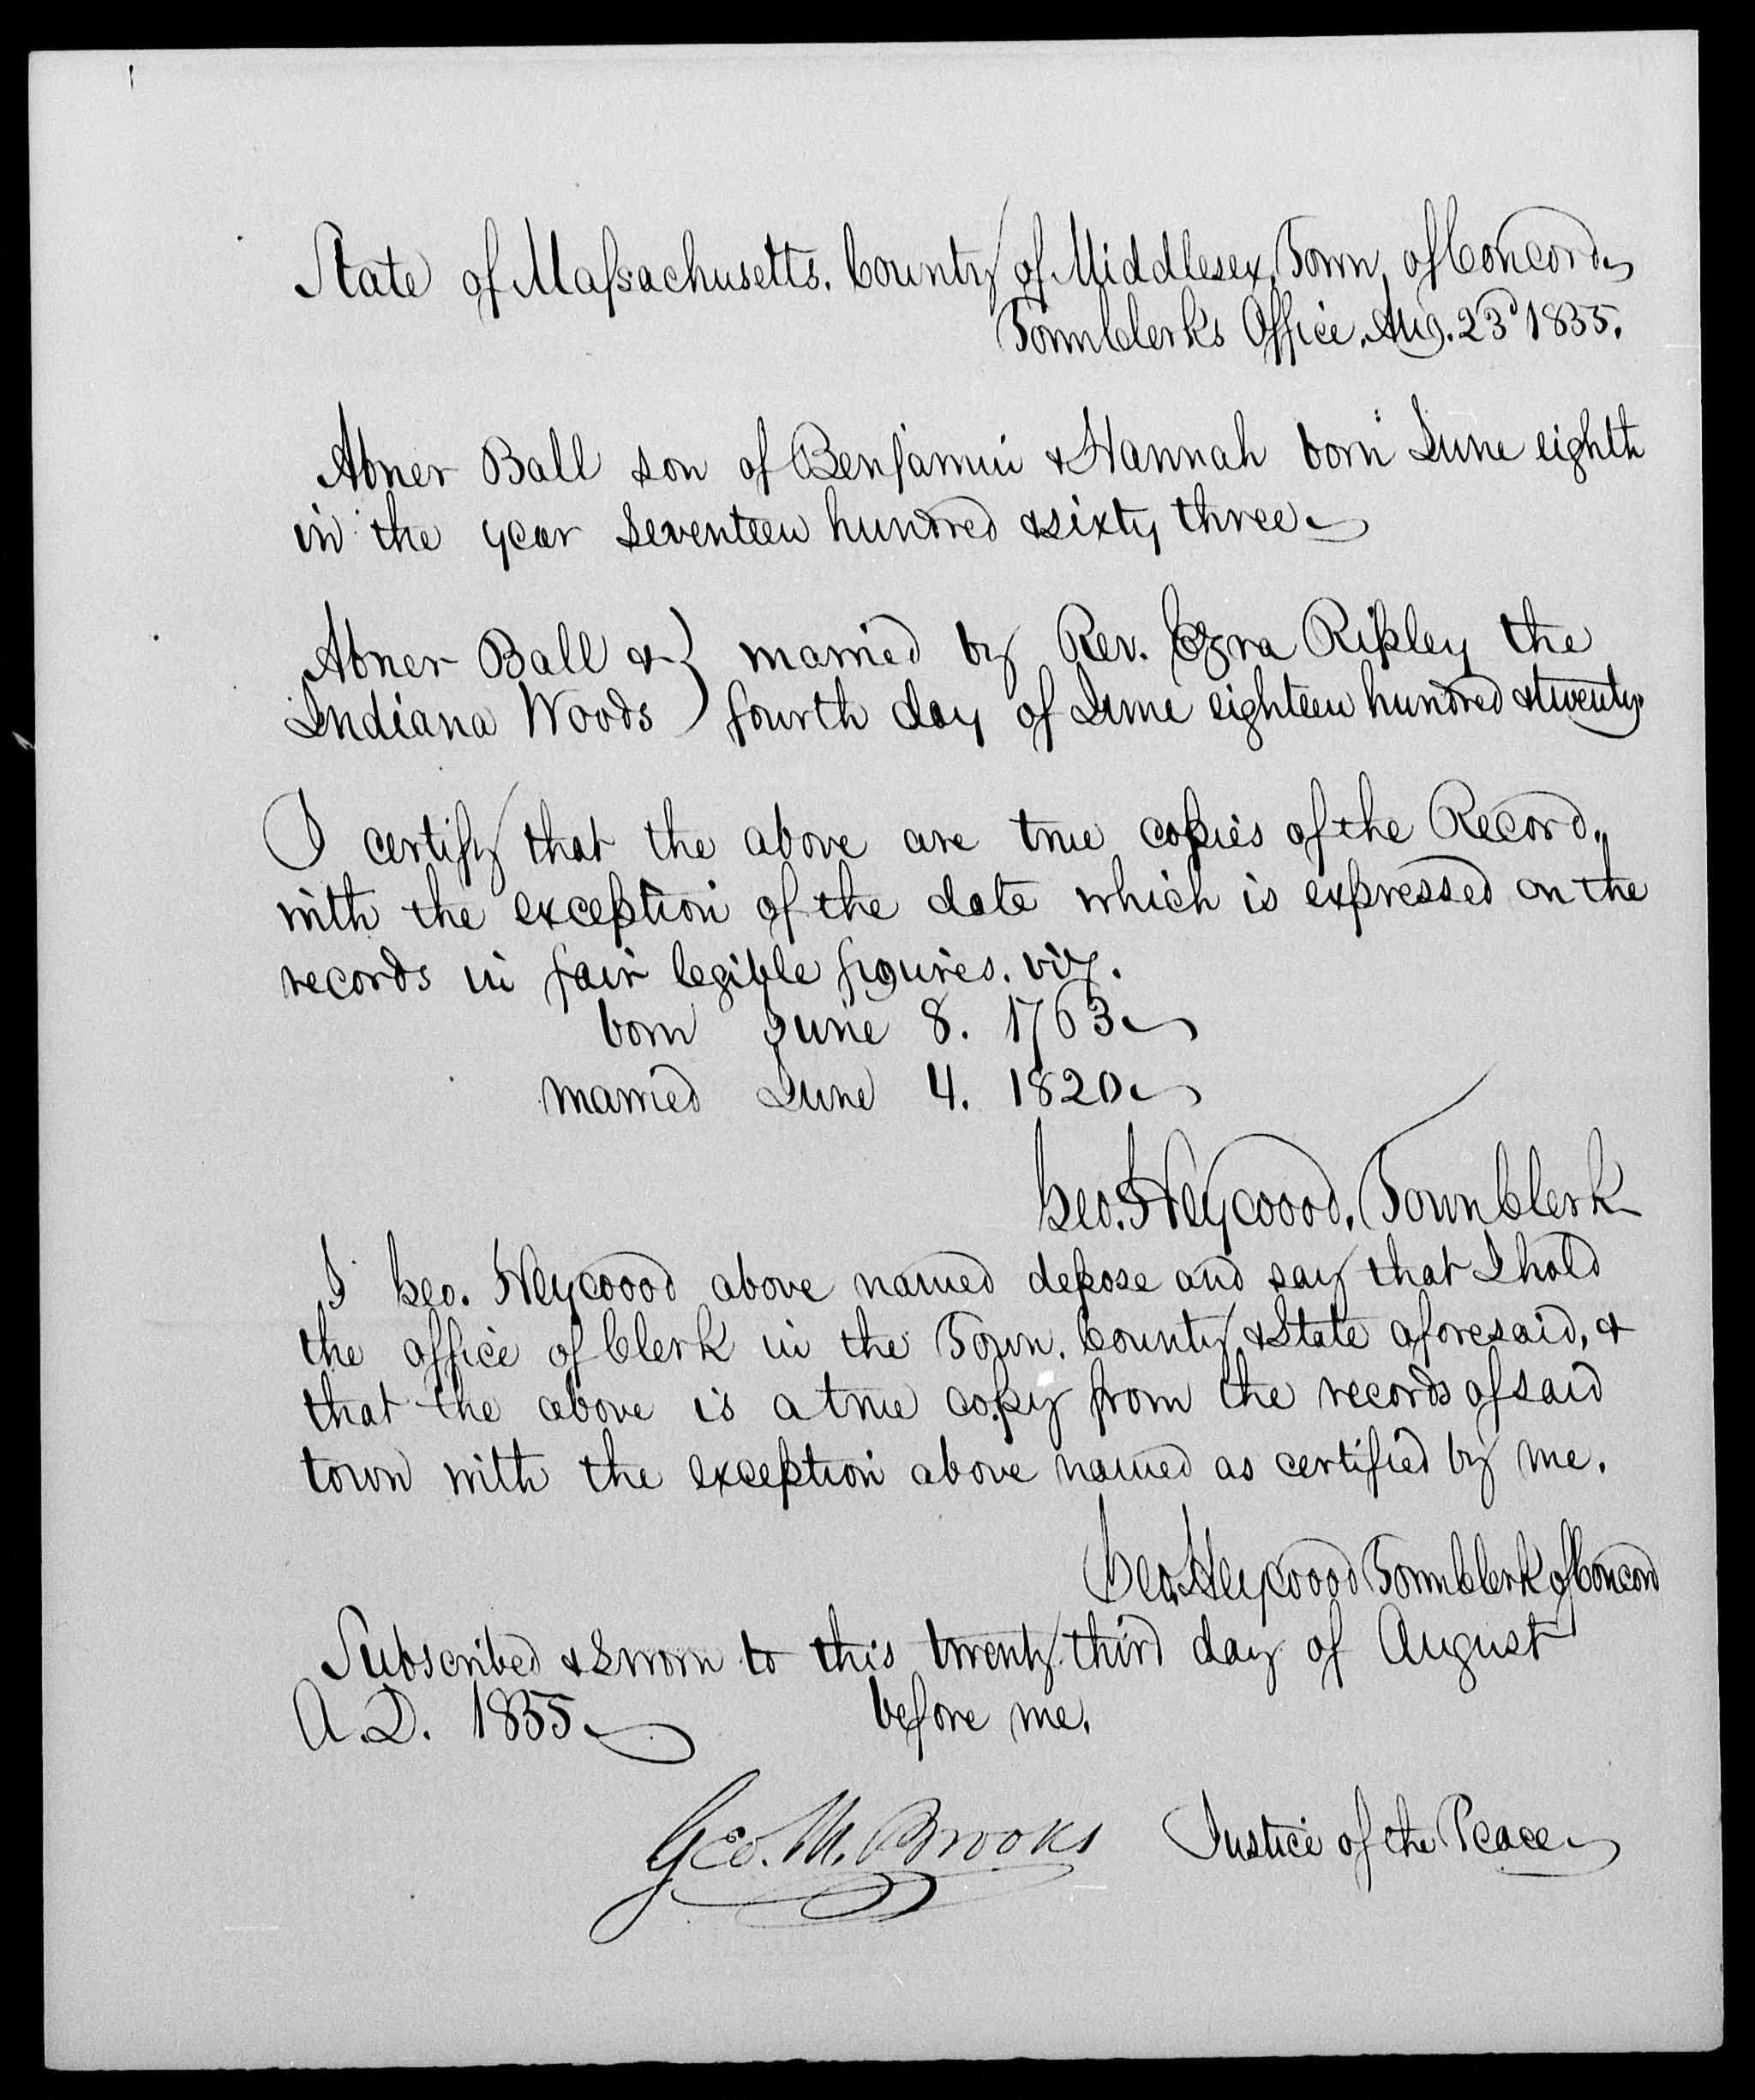State of Massachusetts, County of Middlesex Town of Concord,
Town Clerks Office Aug. 23d 1855.
Abner Ball son of Benjamin. Hannah born June eighth
in the year seventeen hundred & sixty three

Abner Ball &) married by Rev. Ezra Ripley the
Indiana Woods) fourth day of June eighteen hundred & twenty

I certify that the above are true copies of the Record
with the exception of the date which is expressed on the 
records in fair legible figures viz.
born June 8. 1763
married June 4. 1820
Geo. Heywood, Town Clerk
I Geo. Heywood above named depose and say that I hold 
the office of Clerk in the Town, County & State aforesaid, & 
that the above is a true copy from the records of said 
town with the exception above named as certified by me.
Geo. Heywood Town Clerk of Concord
Subscribed & sworn to this twenty third day of August
A. D. 1835 before me.
Geo. M. Brooks Justice of the Peace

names: Benjamin, Hannah, Abner Ball, Ezra Ripley, Geo M Brooks, Geo Heywood, Geo Heywood, Indiana Woods, Abner Ball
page: 7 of 16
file: B. L. Wt, 36670-160-55, Abner Ball, Mass.